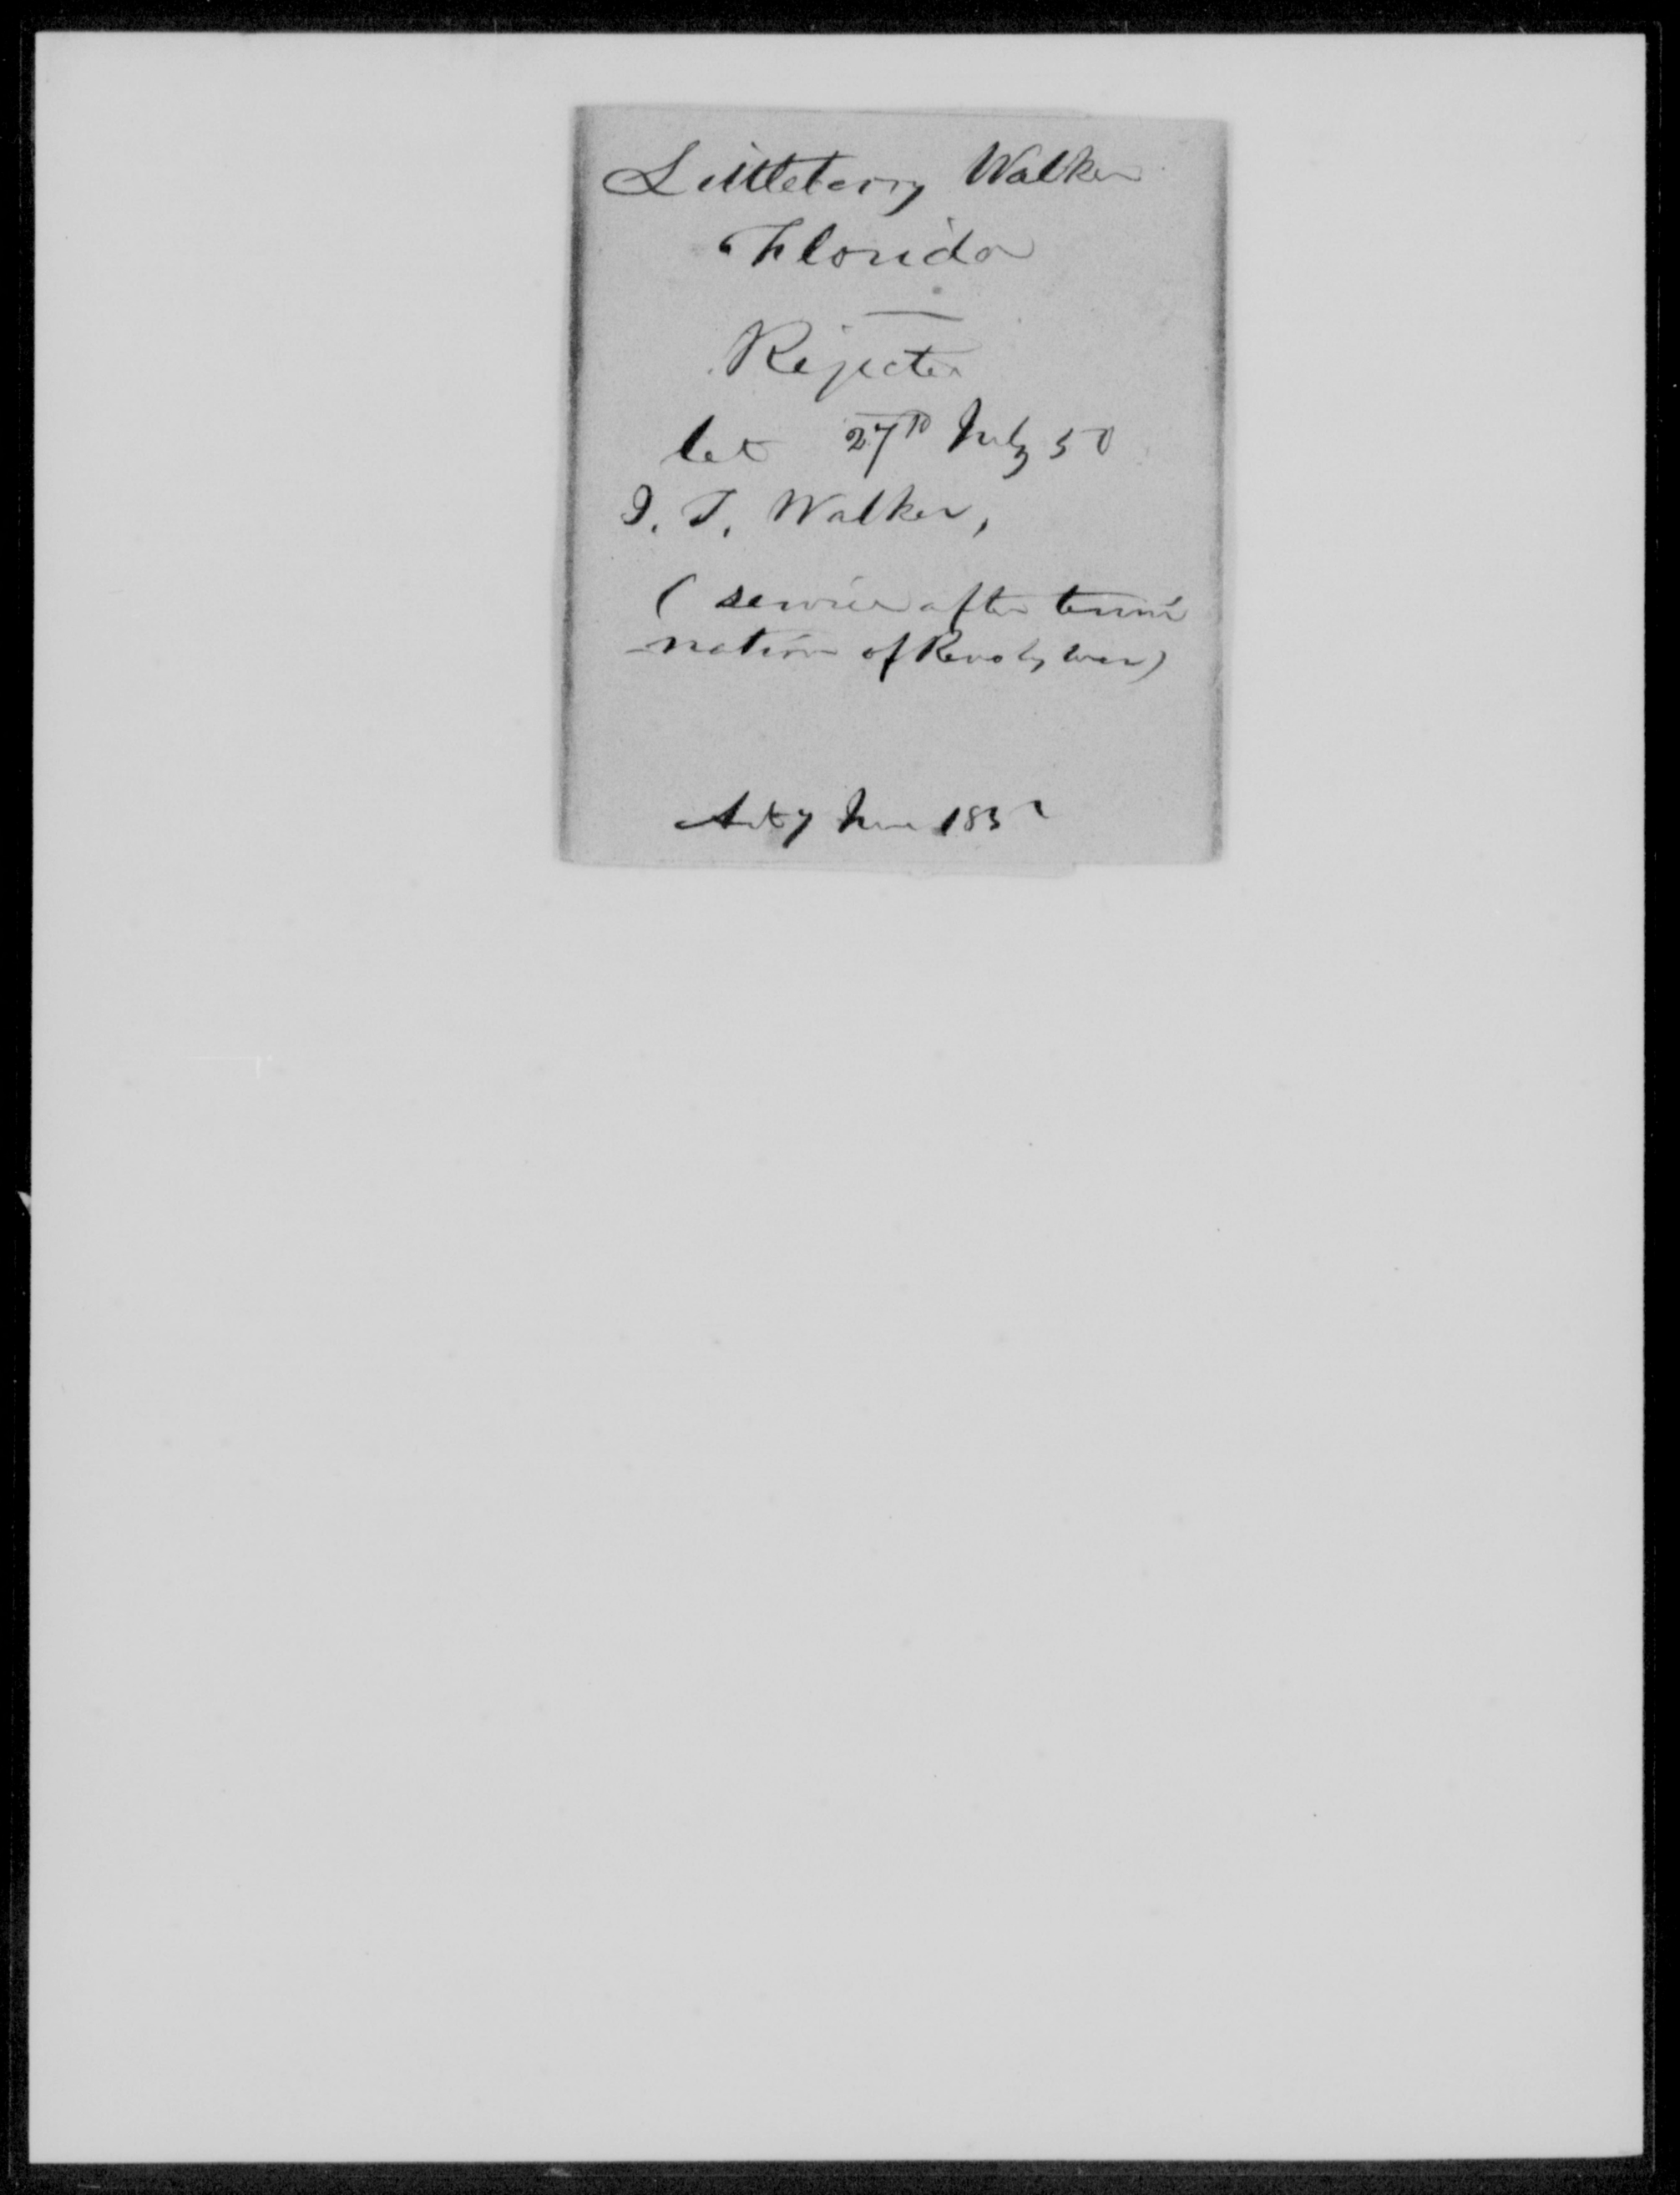Littleberry Walker
Florida
Rejected
let 27th July 50
L.T. Walker
{service after termination of Revly War)
1837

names: J T Walker, Littleberry Walker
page: 7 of 15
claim: rejected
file: R. 11045, Littleberry Walker, Ga.